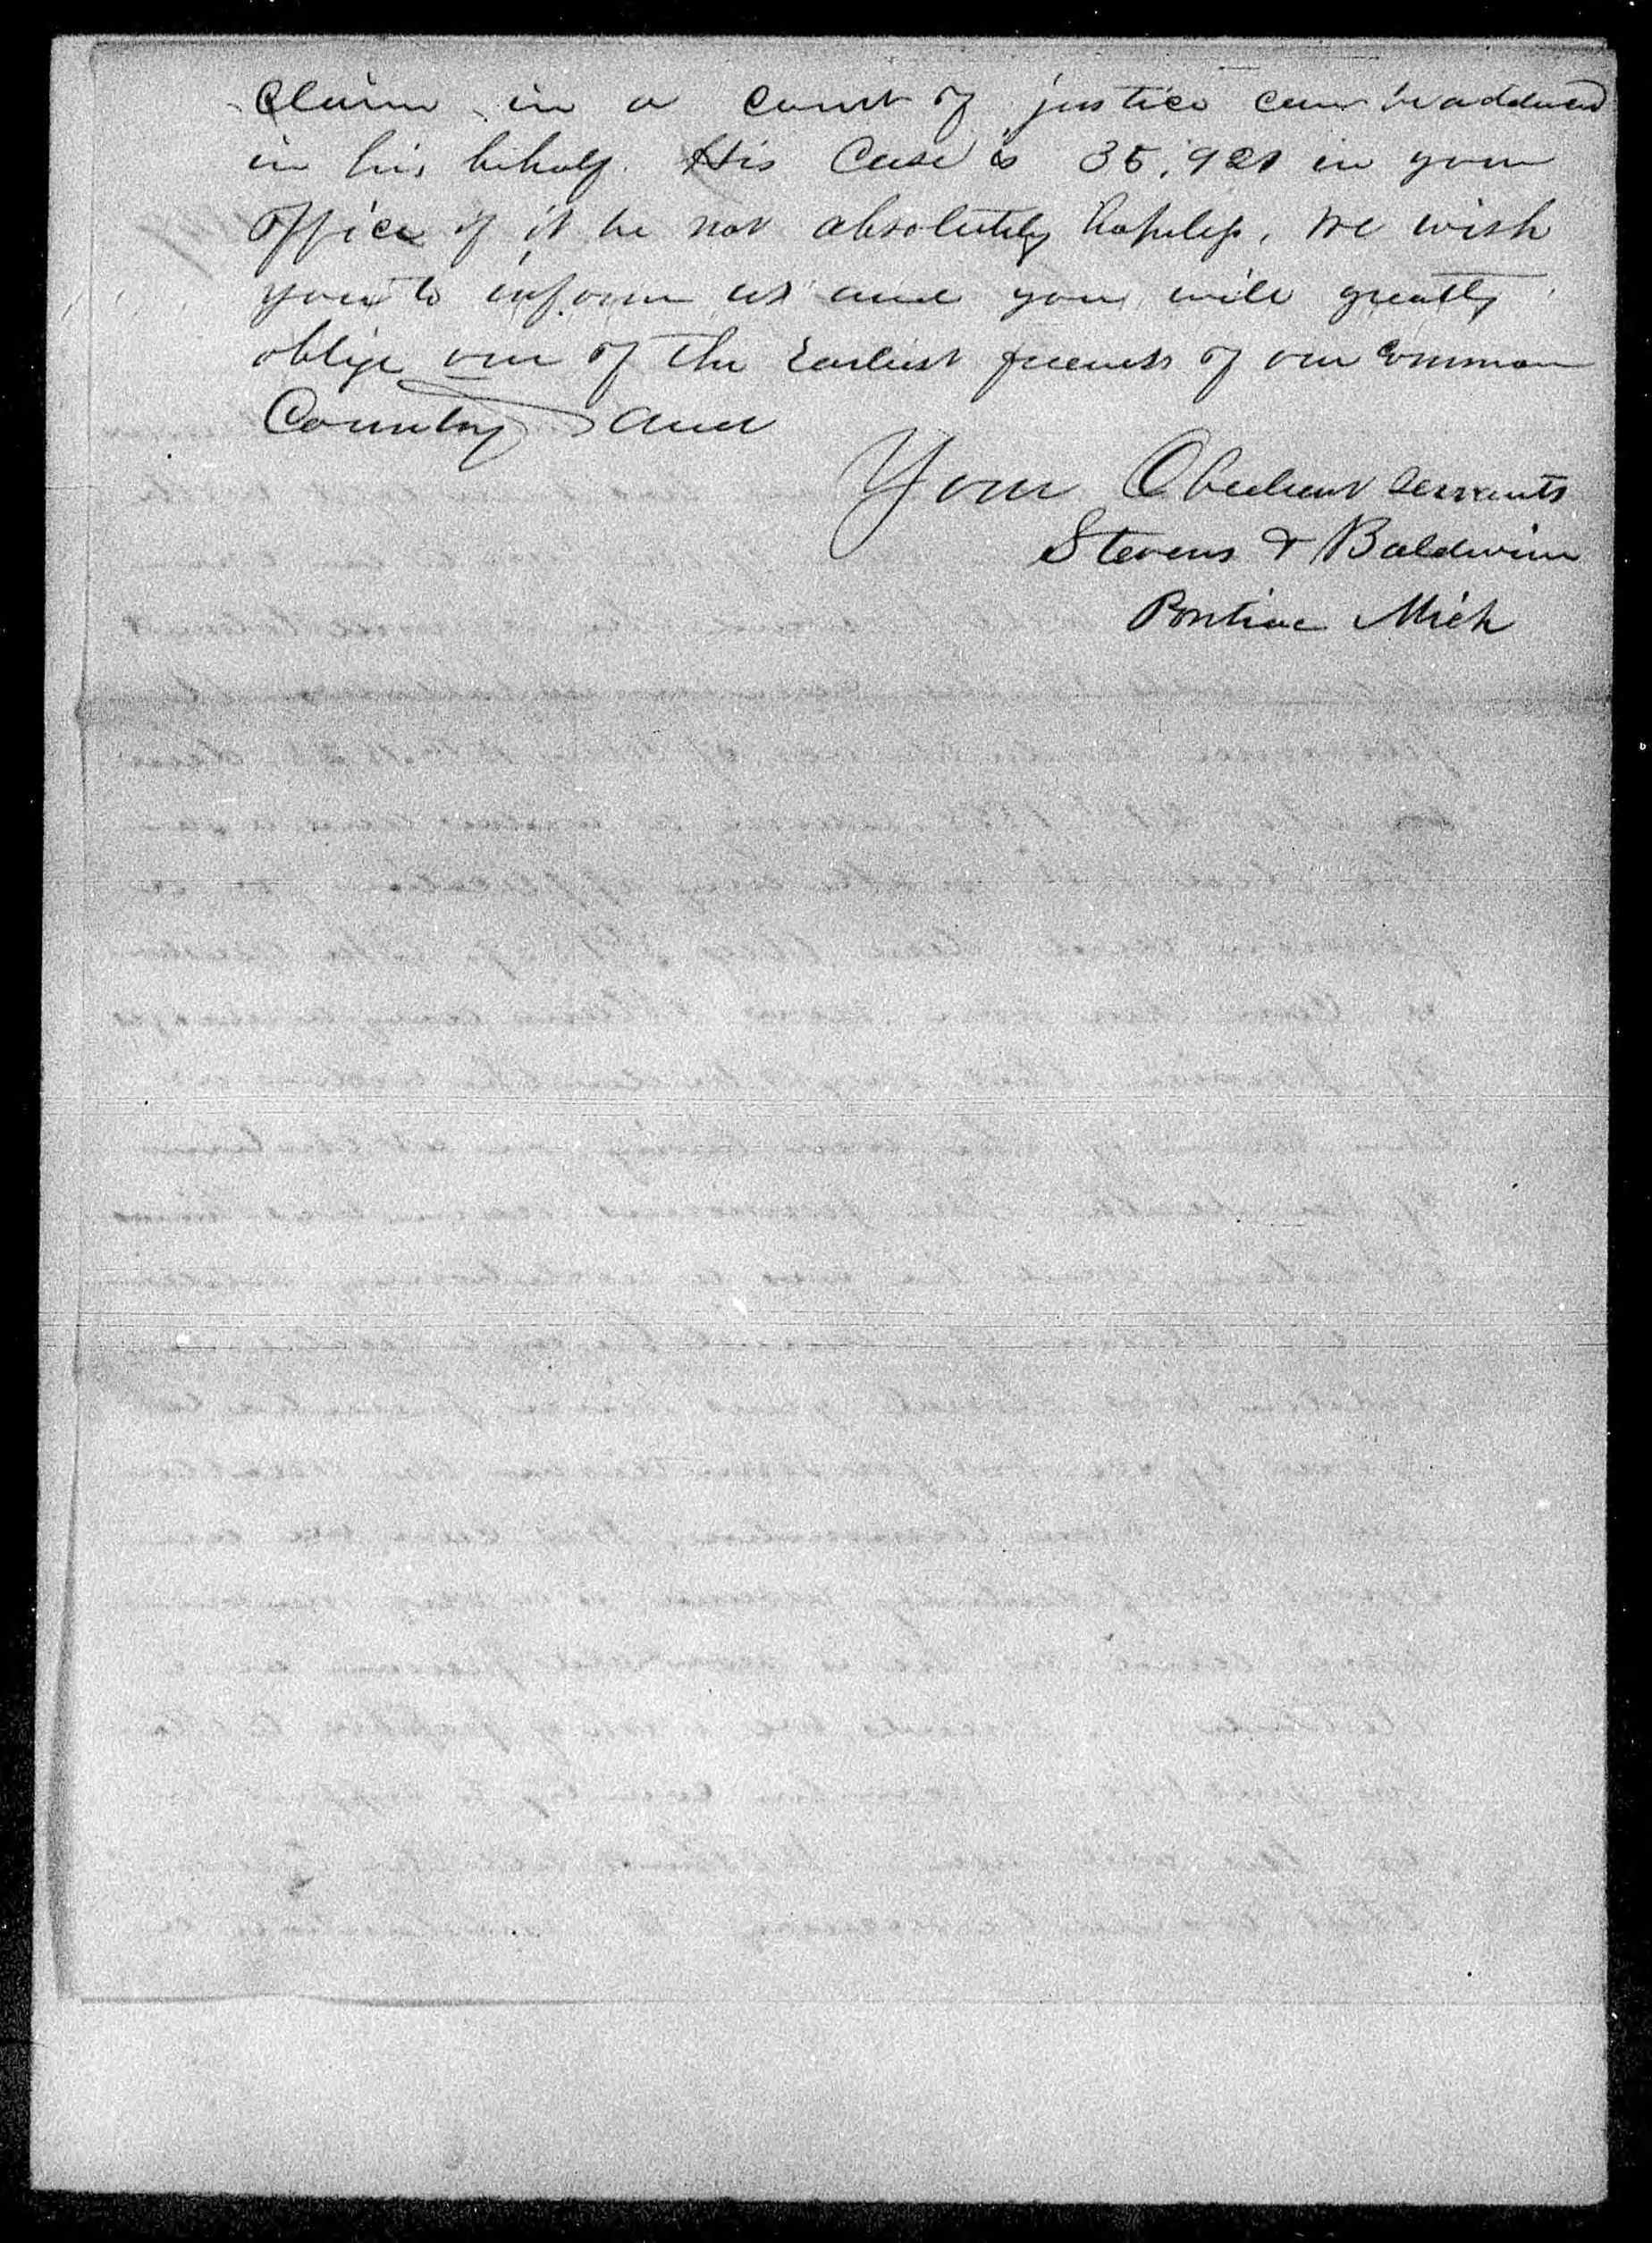claim in a court of justices can be addressed in his behalf His case is 35.921 in your office of it he not absolutely hopeless. We wish you to inform us and you will greatly oblige us of the earlier success of our common country and

Your obedient servants
Stevens & Baldwin
Pontiac Mich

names: Baldwin, Stevens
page: 58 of 66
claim: rejected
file: R. 4298, Samuel Gregory, New York